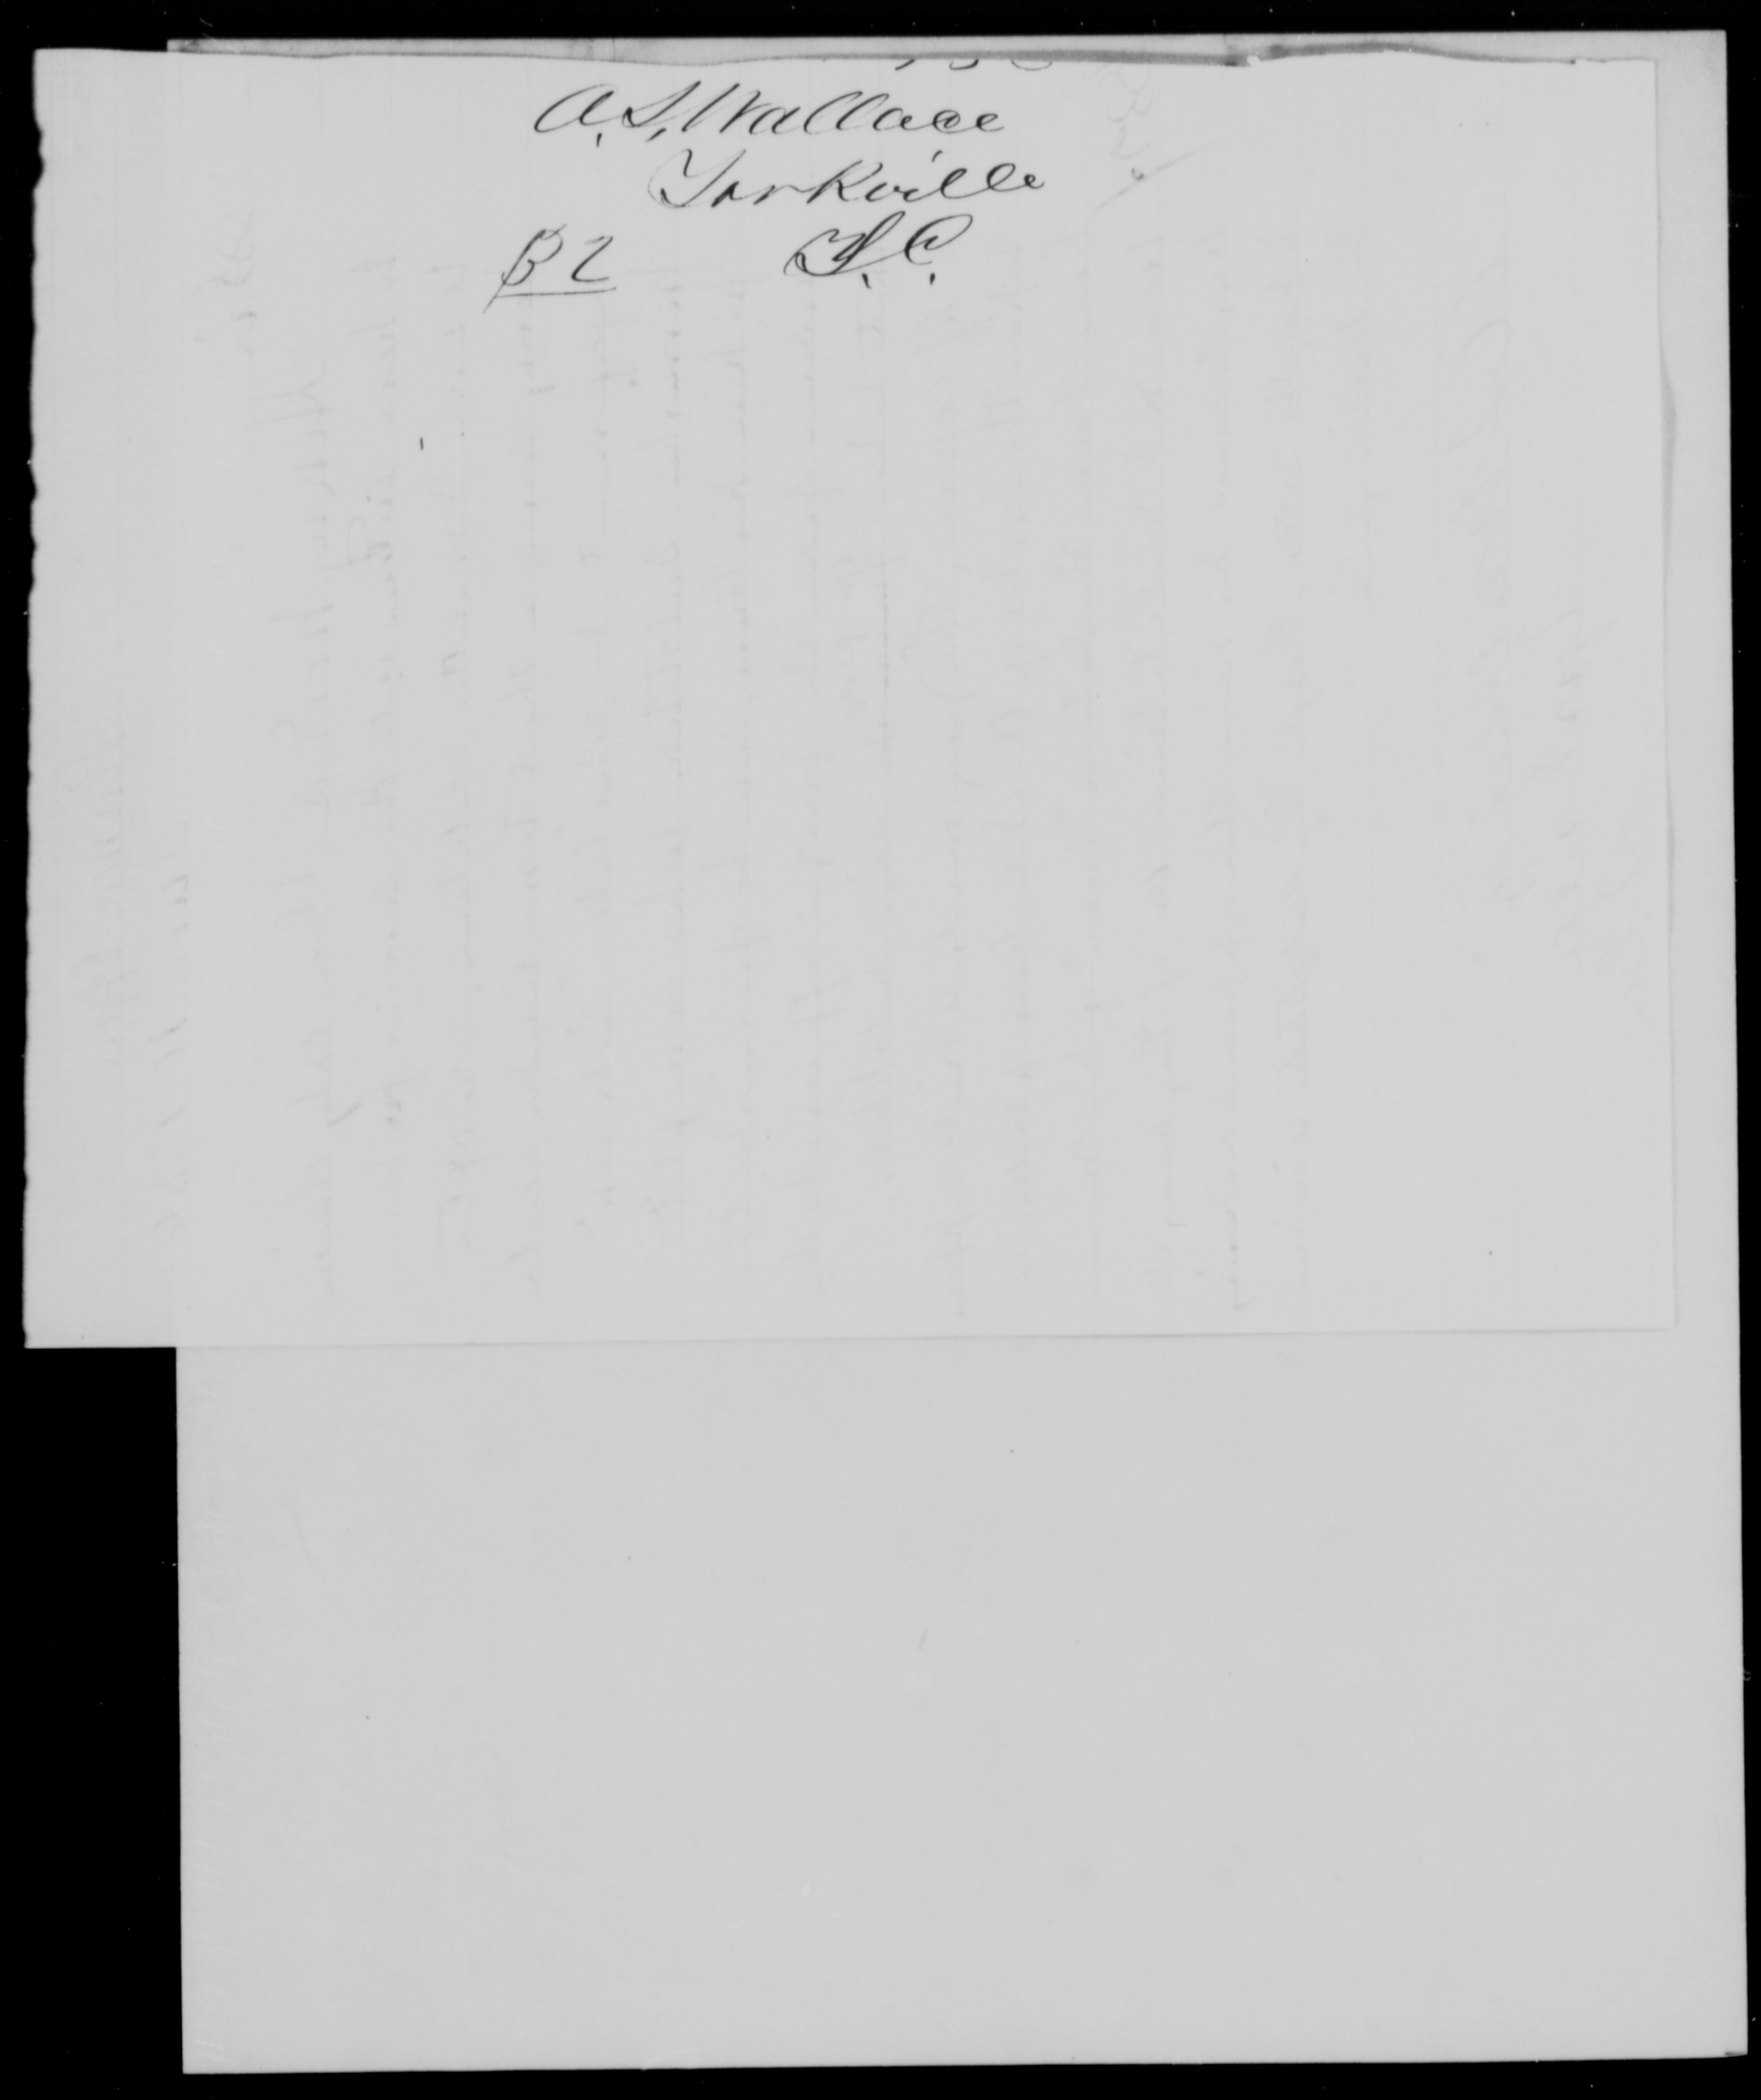A. S.  Wallace  Yorkville S.C.  BL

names: A S Wallace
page: 28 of 40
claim: rejected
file: R. 11785, Henry Wood, N. C.